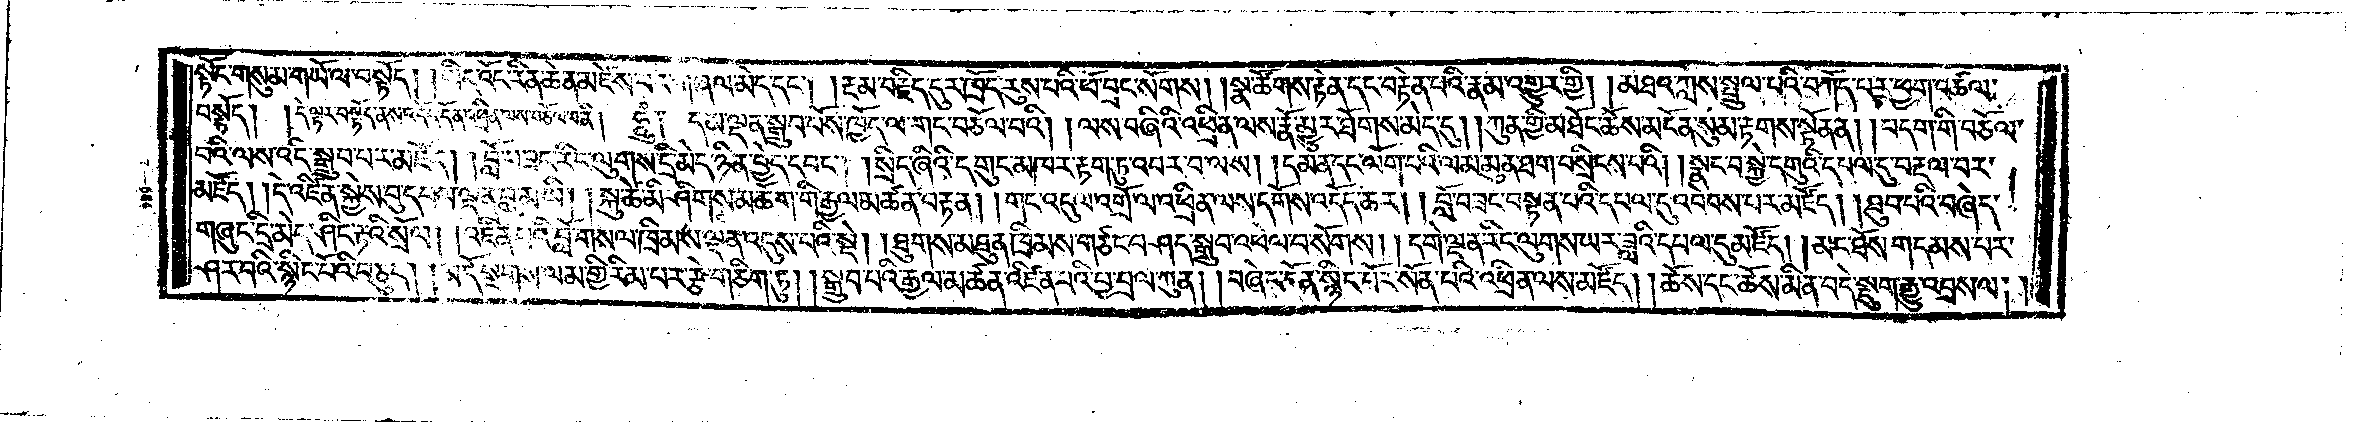སྟོང་གསུམ་གཡོ་ལ་བསྟོད། །ཡིད་འོང་རིན་ཆེན་མཛེས་པའི་གཞལ་མེད་དང་། །རྔམ་བརྗིད་དུ་དུར་ཁྲོད་རུས་པའི་ཕོར་བྲང་སོགས། །སྣ་ཚོགས་རྟེན་དང་བརྟེན་པའི་རྣམ་འགྱུར་གྱི། །མཐའ་ཀླས་སྤྲུལ་པའི་བཀད་པར་ཕྱག་འཚལ་
བསྟོད༑ ༑དེ་ལྟར་བསྟོད་ནས་འདོད་དོན་འཕྲིན་ལས་བཅོལ་བ་ནི། ཧཱུཾ༑ དམ་ལྡན་སུག་པོས་ཁྱོད་ལ་གང་བཅོལ་བའི། །ལས་བཞིའི་འཕྲིན་ལས་རྣོ་མྱུར་ཐོགས་མེད་དུ། །ཀུན་གྱི་མཐོང་ཆོས་མངོན་སུམ་རྟགས་སྟོན་ན། །བདག་གི་བཅོལ་
བའི་ལས་འདི་སྒྲུབ་པར་མཛོད། །བློ་བཟང་རིང་ལུགས་དྲི་མེད་ཉིན་བྱེད་དབང་། །སྲིད་ཞིའི་དགུང་མཁར་ཏག་ཏུ་འབར་བ་ལས། །དམན་དང་ལོག་པའི་ལམ་མུན་ཐག་བྲིངས་པའི། །སྣང་བསྐྱེད་དགུའི་དཔལ་དུ་བརྟལ་བར་
མཛོད། །དེ་འཛིན་སྐྱེས་བུ་དཔལ་དན་བླ་མ་ཡི། །སྐུ་ཚེ་མི་ཤིགས་མཆོག་གི་གྱལ་མཚན་བརྟན། །གང་འདུལ་འགྲོ་ལ་འཕྲིན་ལས་དགོས་འདོད་ཆར། །བློ་བཟང་བསྟན་པའི་དཔལ་དུ་འབེབས་པར་མཛོད། །ཐུབ་པའི་བཞེད་
གཞུང་དྲི་མེད་ཤིང་རྟའི་སྲོལ། །འཛིན་པའི་བློ་གསལ་ཁྲིམས་ལྡན་འདུས་པའི་སྡེ། །ཐུགས་མཐུན་ཁྲིམས་གཙང་བཤད་སྒྲུབ་འཕེལ་བ་སོགས། །དགེ་ལྡན་རིང་ལུགས་ཡར་ཟླའི་དཔལ་དུ་མཛོད། །མང་ཐོས་གདམས་པར་
ཤར་བའི་སྙིང་པོའི་བཅུད། །དོ་སྔགས་ལམ་གྱི་རིམ་པར་རྩེ་གཅིག་ཏུ། །སྒྲུབ་པའི་རྒྱལ་མཚན་འཛིན་པའི་བྱ་བྲལ་ཀུན། །བཞེད་དོན་སྙིན་པོར་སོན་པའི་འཕྲིན་ལས་མཛོད། །ཆོས་དང་ཆོས་མིན་བདེ་སྡུག་རྒྱུ་འབྲས་ལ།།